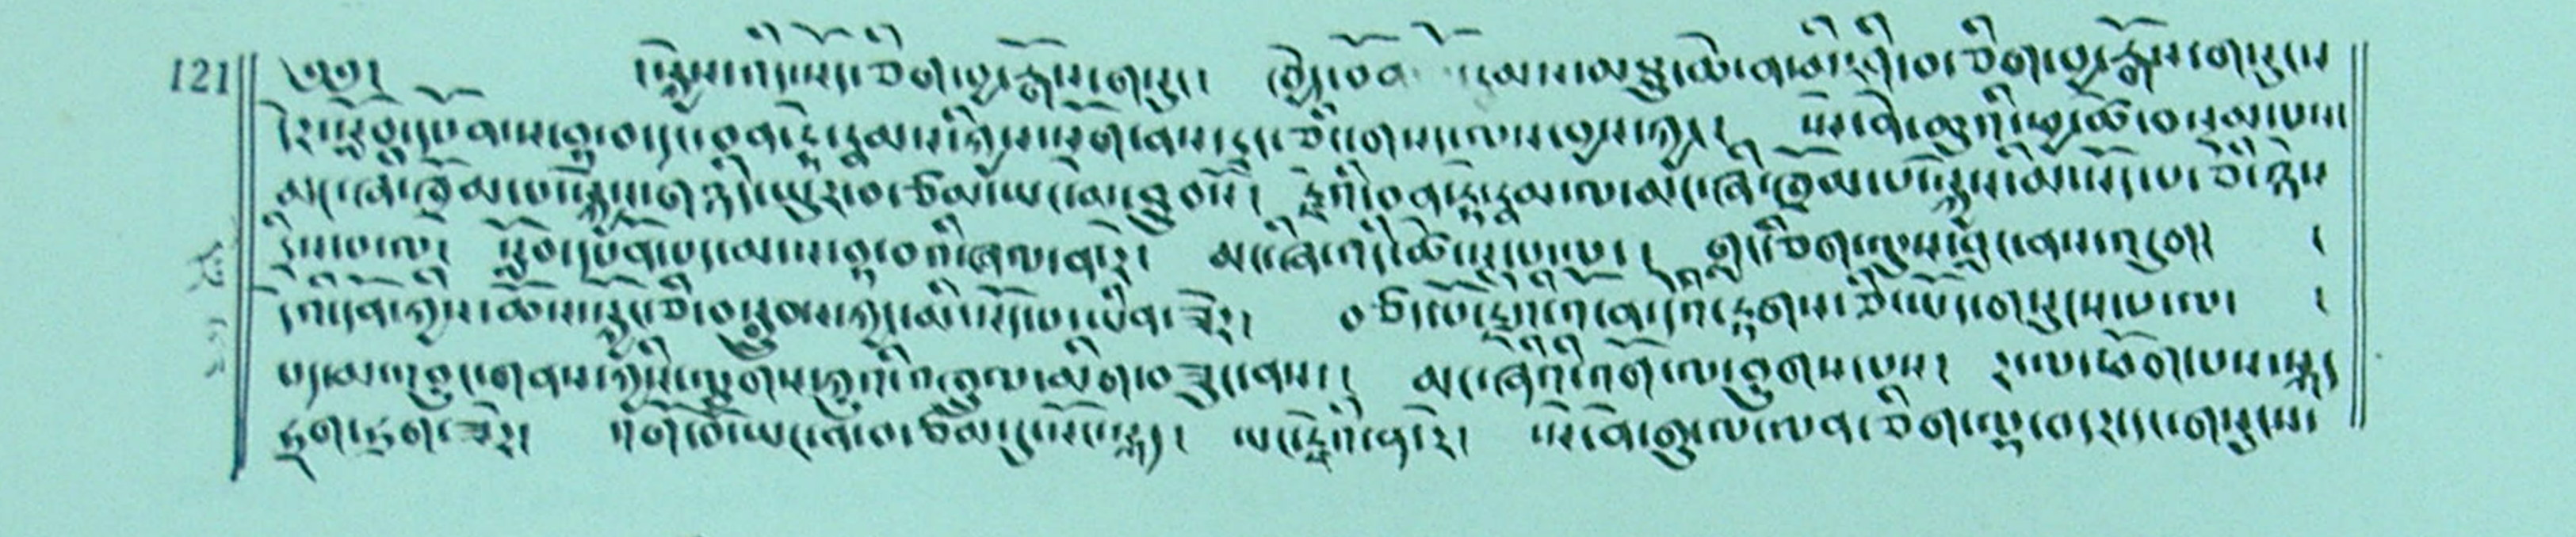༄༅། །སྐྱེས་འདི་གསོད་པ་ཅིག་བྱ་དགོས་གསུངས། ཁྱེད་བོན་པོ་རྣམས་མཐུ་ཆེ་ན་མི་ཤི་བ་བྱ་དགོས་གསུངས། 
དེར་སློབ་དཔོན་ས་བྷ་བ་དང་བན་དྷེ་རྣམས་ཀྱིས་སྲོག་ནས་དྲངས་ཤིང་གསད་ལས་བྱས་ཀྱང་། སྤེ་ནེ་ཆུའི་ཕྱྭ་ཚེ་བསྡམས་པས་
མ་ཞང་ཁྲོམ་པ་སྐྱེས་གཉིད་ཡུར་བ་ཙམ་ཡང་མ་ཐུབས་སོ། །རྗེ་ཡིས་བན་དྷེ་རྣམས་ལ་མང་ཞི་ཁྲོམ་པ་སྐྱེས་མི་སོད་པ་ཅི་ཉེས་
དྲིས་པ་ལ། སློབ་དཔོན་པད་མ་ས་བྷ་བའི་ཞལ་ན་རེ། མང་ཞི་འདི་ཚེ་སྔ་བ་ལ། གླང་ཅིག་གི་ལུས་བླངས་ནས་འདུག 
དེའི་དོན་གྱིས་ཆོས་སྦྱོང་ཅི་བསྒྲུབ་ཀྱང་མི་སོད་པ་ཡིན་ཟེར། བཙན་པོ་རྗེའི་འོ་ན་དེའི་རྟགས་ཅི་ཡོད་གསུངས་པ་ལ། 
པད་མ་འབྱུང་གནས་ཀྱིས་ལྕགས་ཀྱུ་ཡིས་འཁྲུལ་མིག་བཟུང་ནས། མང་ཞིའི་མགོ་ལ་བྱུགས་པས། ར་ལ་ཕོག་པ་འདྲ་སྐད་
ཧྲག་ཧྲག་ཟེར། མགོ་བོ་ཡང་ན་བ་ཙམ་དུ་སོང་སྐད། ཡང་རྗེའི་ན་རེ། སྤེ་ནེ་གུ་ལ་ལན་ཅིག་ལྷ་བདར་དང་གསུངས་